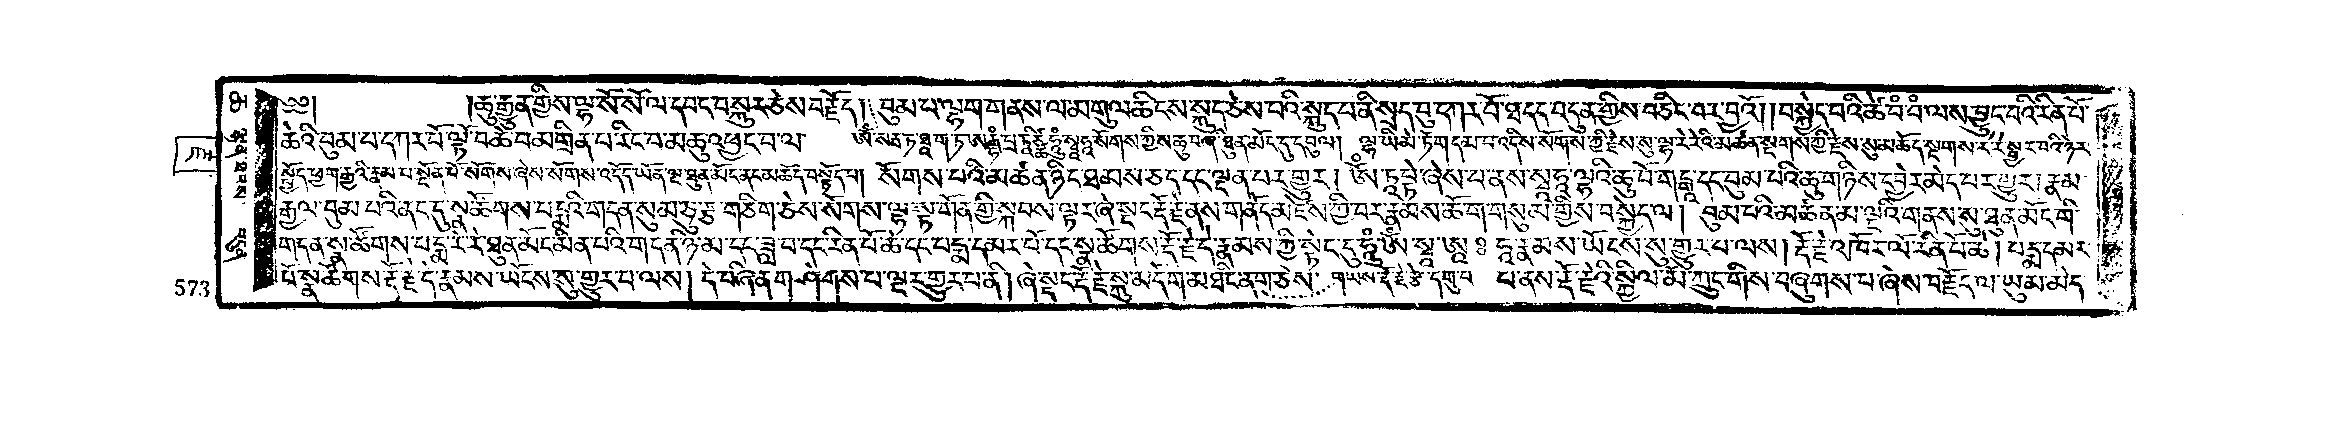༄༅། །ཆུ་རྒྱུན་གྱིས་ལྷ་སོ་སོ་ལ་དབང་བསྐུར་ཅེས་བརྗོད། བུམ་པ་ལྷག་གནས་ལ་མགུལ་ཆིངས་སྐུད་ཅེས་པའི་སྐུད་པ་ནི་སྲད་བུ་དཀར་པོ་ཐ་དད་བདུན་གྱིས་བཅིང་བར་བྱའོ། །བསྐྱེད་པའི་ཚེ་བཾ་བཾ་ལས་བྱུང་བའི་རིན་པོ་
ཆེའི་བུམ་པ་དཀར་པོ་ལྟོ་བ་ཆེ་བ་མགྲིན་པ་རིང་བ་མཆུ་འཕྱང་བ་ལ་ཨོཾ་སརྦ་ཏ་ཐཱ་ག་ཏ་ཨརྒྷཾ་པྲ་ཏཱིཙྪ་ཧཱུཾ་སྭཱ་ཧཱ་སོགས་ཀྱིས་ཆུ་བཞི་ཐུན་མོང་དུ་དབུལ། ལྷ་ཡི་མེ་ཏོག་དམ་པ་འདིས་སོགས་ཀྱི་རྗེས་སུ་ལྷ་རེ་རེའི་མཚན་སྔགས་ཀྱི་རྗེས་སུ་མཆོད་སྔགས་རེ་རེ་སྦྱར་བའི་ཉེར་
སྤྱོད་ཕྱག་རྒྱའི་རྣམ་པ་སྔོན་པོ་སོགས་ཞེས་སོགས་འདོད་ཡོན་ལྔ་ཐུན་མོང་ནང་མཆོད་བསྟོད་པ། སོགས་པའི་མཚན་ཉིད་ཐམས་ཅད་དང་ལྡན་པར་གྱུར་། ཨོཾ་ཏཱ་པྟེ་ཞེས་པ་ནས་སྭཱ་ཧཱ་ལྷའི་ཆུ་བོ་གངྒཱ་དང་བུམ་པའི་ཆུ་གཉིས་དབྱེར་མེད་པར་གྱུར། རྣམ་
རྒྱལ་བུམ་པའི་ནང་དུ་སྣ་ཚོགས་པདམའི་གདན་སུམ་ཅུ་རྩ་གཅིག་ཅེས་སོགས་ལྷ་སྟ་གོན་གྱི་སྐབས་ལྟར་ཞེ་སྡང་རྡོ་རྗེ་ནས་གནོད་མཛེས་ཀྱི་བར་རྣམས་ཆོ་ག་གསུམ་གྱིས་བསྐྱེད་ལ། བུམ་པའི་མཚན་མ་ལྔའི་གནས་སུ་ཐུན་མོང་གི་
གདན་སྣ་ཚོགས་པདམ་རེ་རེ་ཐུན་མོང་མིན་པའི་གདན་ཉི་མ་དང་ཟླ་བ་དང་རིན་པོ་ཆེ་དང་པདམ་དམར་པོ་དང་སྣ་ཚོགས་རྡོ་རྗེ་དེ་རྣམས་ཀྱི་སྟེང་དུ་ཧཱུཾ་ཨོཾ་སྭཱ་ཨཱཿ ཧཱ་རྣམས་ཡོངས་སུ་གྱུར་པ་ལས། རྡོ་རྗེ་འཁོར་ལོ་རིན་པོ་ཆེ། པདམ་དམར་
པོ་སྣ་ཚོགས་རྡོ་རྗེ་དེ་རྣམས་ཡོངས་སུ་གྱུར་པ་ལས། དེ་བཞིན་གཤེགས་པ་ལྔར་གྱུར་པ་ནི། ཞེ་སྡང་རྡོ་རྗེ་སྐུ་མདོག་མཐིང་ནག་ཅེས་གཡས་རྡོ་རྗེ་རྩེ་དགུ་པ་པ་ནས་རྡོ་རྗེའི་སྐྱིལ་མོ་ཀྲུང་གིས་བཞུགས་པ་ཞེས་བརྗོད་ལ་ཡུམ་མེད་